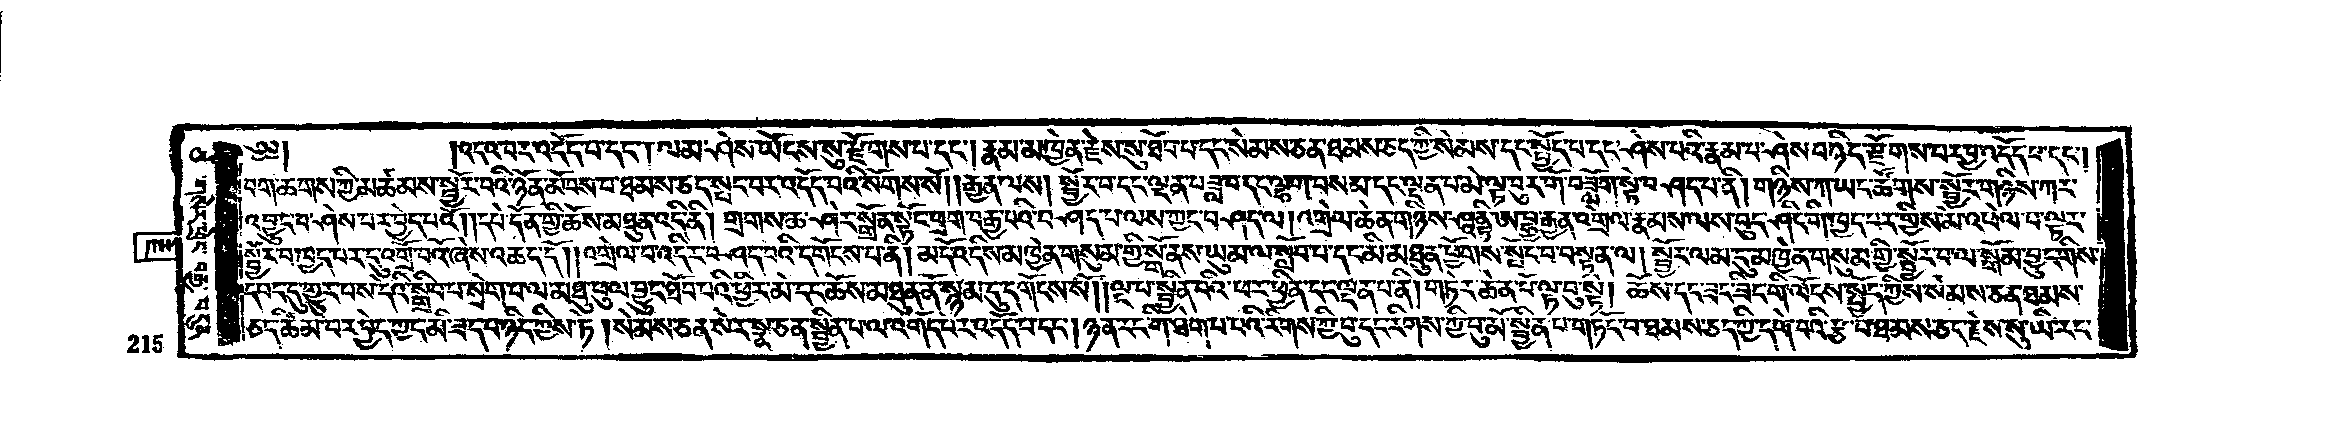༄༅། །འདའ་བར་འདོད་པ་དང་། ལམ་ཤེས་ཡོངས་སུ་རྫོགས་པ་དང་། རྣམ་མཁྱེན་རྗེས་སུ་ཐོབ་པ་དང་སེམས་ཅན་ཐམས་ཅད་ཀྱི་སེམས་དང་སྤྱོད་པ་དང་ཤེས་པའི་རྣམ་པ་ཤེས་པ་ཉིད་རྫོགས་པར་བྱ་འདོད་པ་དང་།
བག་ཆགས་ཀྱི་མཚམས་སྦྱོར་བའི་ཉོན་མོངས་པ་ཐམས་ཅད་སྤང་བར་འདོད་པའི་སོགས་སོ། །རྒྱན་ལས། སྦྱོར་བ་དང་ལྡན་པ་ཟླ་བ་དང་ལྷག་བསམ་དང་ལྡན་པ་མེ་ལྟ་བུར་གོ་བཟློག་སྟེ་བཤད་པ་ནི། གཉིས་ཀ་ཡང་ཚོགས་སྦྱོར་གཉིས་ཀར་
འབྱུང་བ་ཤེས་པར་བྱེད་པའོ། །དཔེ་དོན་གྱི་ཆོས་མཐུན་འདི་ནི། གྲགས་ཆ་ཤེར་སྒྲོན་སྟོང་ཕྲག་བརྒྱ་པའི་བཤད་པ་ལས་ཀྱང་བཤད་ལ། འགྲེལ་ཆེན་གཉིས་ཤཱནྟི་ཨ་བྷྱ་རྒྱན་འགྲེལ་རྣམས་ལས་བུད་ཤིང་གི་ཁྱད་པར་གྱིས་མེ་འཕེལ་བ་ལྟར་
སྦྱོར་བ་ཁྱད་པར་དུ་འགྲོ་བའོ་ཞེས་འཆད་དོ། །འགྲེལ་པ་འདིར་བཤད་པའི་དགོངས་པ་ནི། མདོ་འདིས་མཁྱེན་གསུམ་གྱི་སྒོ་ནས་ཡུམ་ལ་སློབ་པ་དང་མི་མཐུན་ཕྱོགས་སྤོང་བ་བསྟན་ལ། སྦྱོར་ལམ་དུ་མཁྱེན་གསུམ་གྱི་སྦྱོར་བ་ལ་སྒོམ་བྱུང་གིས་
དབང་དུ་གྱུར་པས་དེའི་སྒྲིབ་པ་སྲེག་པ་ལ་མཐུ་ཕུལ་བྱུང་ཐོབ་པའི་ཕྱིར་མེ་དང་ཆོས་མཐུན་ནོ་སྙམ་དུ་དགོངས་སོ། །ལྔ་པ་སྦྱིན་པའི་ཕར་ཕྱིན་དང་ལྡན་པ་ནི། གཏེར་ཆེན་པོ་ལྟ་བུ་སྟེ། ཆོས་དང་ཟང་ཟིང་གི་ལོངས་སྤྱོད་ཀྱིས་སེམས་ཅན་ཐམས་
ཅད་ཚིམ་པར་བྱེད་ཀྱང་མི་ཟད་པ་ཉིད་ཀྱིས་ཏེ། སེམས་ཅན་སེར་སྣ་ཅན་སྦྱིན་པ་ལ་འགོད་པར་འདོད་པ་དང་། ཉན་རང་གི་ཐེག་པ་པའི་རིགས་ཀྱི་བུ་དང་རིགས་ཀྱི་བུ་མོ་སྦྱིན་པ་གཏོང་བ་ཐམས་ཅད་ཀྱི་དགེ་བའི་རྩ་བ་ཐམས་ཅད་རྗེས་སུ་ཡི་རང་